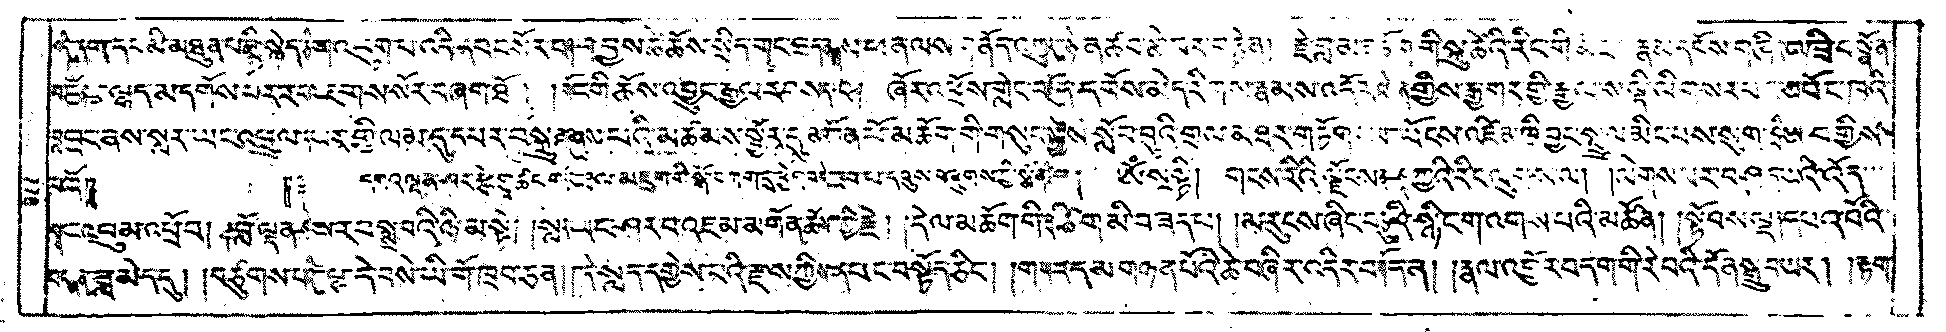ཐུན་དངོས་གྲུབ་བྱེ་བའི་བྱིན་ཕོབས་ཤིག །གང་ཐུགས་གཅིག་ལས་ཤར་བའི་སྤྲུལ་པའི་གར། །འབུམ་ཕྲག་ཟླ་གཞོན་འོད་དཀར་སྐྱེངས་བྱེད་པའི། །སྟོབས་ལྡན་ལྷ་ཡི་གིང་ཆེན་ཚངས་པ་ཆེ། །འཁོར་བཅས་མ་གཡེལ་
རྣམ་བཞིའི་ལས་ལ་ཆོས། །སྙན་འཇེབས་བརྗིད་ཆགས་འགྱུར་ཁུག་ང་རོ་ཡིས། །ཟབ་དོན་དབྱངས་སུ་གྱེར་བས་དམ་ཅན་རྣམས། །ཐོགས་མེད་ལས་ལ་བསྐུལ་བའི་ཡི་གེའི་རིས། །མ་འདྲེས་གསལ་བར་བཀོད་པ་འདི་ན་
དགེ །དེ་ལ་འདིར་ལ་མོ་དགོན་ཁག་གསུམ་གྱི་རིག་སྔགས་འཆང་བ་རྣམས་ནས་ལྷ་ཆེན་ཚངས་པ་ཆེན་པོའི་སྤྱན་འདྲེན་བསྐང་བ་བསྟོད་པ་སོགས་ཀྱི་དབྱངས་རོལ་ཇི་ལྟར་མཛད་སྲོལ་རྣམས་མི་ནུབ་པའི་ཕྱིར་ནག་འགྲོས་སུ་
འགོད་པ་ལ་྾་྾་྾་྾་སླར་སྨྲས་པ། དེ་ལྟར་བསྟན་སྲུང་ལས་ལ་བསྐུལ་བའི་དབྱངས། །སྙན་བརྗིད་རོལ་མོའི་སྒྲ་དང་འགྲོགས་པའི་དཔལ། །མི་བཟོད་དྲི་ཟའི་ན་ཆུང་མཚོ་ལྡན་མ། །འཇོ་སྒེག་གར་གྱིས་བཻཌཱུར་རྒྱུད་མང་
སྒྲེང་། །འདི་ནི་ལྷ་མཆོག་དཔའ་བོ་དགྱེས་བསྐྱེད་པའི། །བདེ་སྐྱོང་ཌཱ་ཀི་རོལ་པའི་མགྲིན་གླུ་སྟེ། །དམ་ཉམས་ཁྲག་གིས་མྱོས་པའི་སྡང་མིག་ཅན། །འཇིགས་རུང་ཁྲོ་བོ་འབོད་པའི་ངར་སྒྲའང་ཡིན། །འདི་ལྟར་བསྙེན་པས་
བསྟན་སྲུང་ཕྱི་རོལ་ནས། །མ་དམིགས་རང་སྣང་གཉུག་མའི་གཤིས་ཉིད་དུ། །ངེས་རྙེད་གསང་བ་མཆོག་གི་རྣལ་འབྱོར་གྱིས། །གཉིས་འཛིན་འཁྲུལ་བའི་དགྲ་བོ་གཞོམ་གྱུར་ཅིག །ཅེས་པ་འདི་ནི་ལྷ་མཆོག་ཚངས་པ་ཆེན་